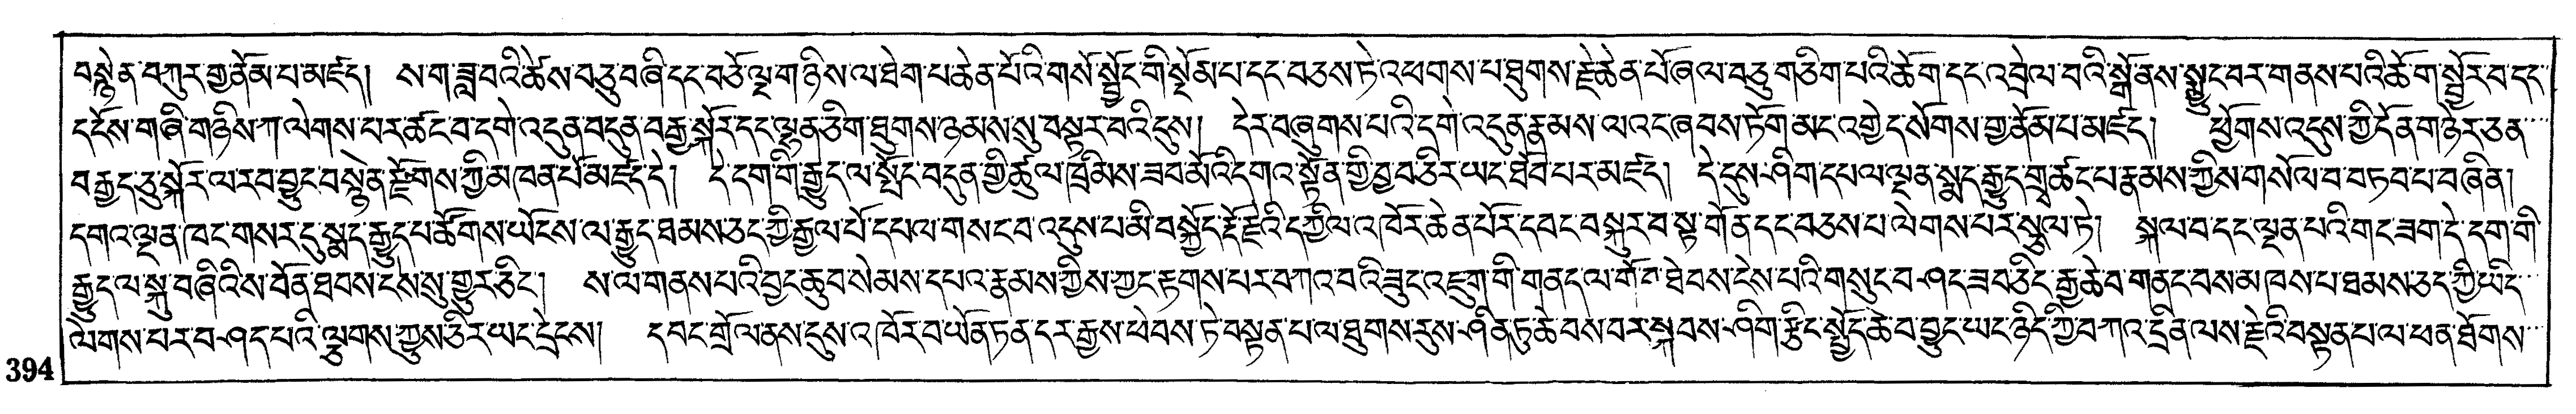བསྙེན་བཀུར་གྱ་ནོམ་པ་མཛད། ས་ག་ཟླ་བའི་ཚེས་བཅུ་བཞི་དང་བཅོ་ལྔ་གཉིས་ལ་ཐེག་པ་ཆེན་པོའི་གསོ་སྦྱོང་གི་སྡོམ་པ་དང་བཅས་ཏེ་འཕགས་པ་ཐུགས་རྗེ་ཆེན་པོ་ཞལ་བཅུ་གཅིག་པའི་ཆོ་ག་དང་འབྲེལ་བའི་སྒོ་ནས་སྨྱུང་བར་གནས་པའི་ཆོ་ག་སྤྱོར་བ་དང་
དངོས་གཞི་གཉིས་ཀ་ལེགས་པར་ཚང་བ་དགེ་འདུན་བདུན་བརྒྱ་སྐོར་དང་ལྷན་ཅིག་ཐུགས་ཉམས་སུ་བསྟར་བའི་དུས། དེར་བཞུགས་པའི་དགེ་འདུན་རྣམས་ལའང་ཞབས་ཏོག་མང་འགྱེད་སོགས་གྱ་ནོམ་པ་མཛད། ཕྱོགས་འདུས་ཀྱི་དོན་གཉེར་ཅན་
བརྒྱད་ཅུ་སྐོར་ལ་རབ་བྱུང་བསྙེན་རྫོགས་ཀྱི་མཁན་པོ་མཛད་དེ། དེ་དག་གི་རྒྱུད་ལ་སྤོང་བདུན་གྱི་ཚུལ་ཁྲིམས་ཟབ་མོའི་དགའ་སྟོན་གྱི་བྱ་བ་ཅིར་ཡང་ཐོབ་པར་མཛད། དེ་དུས་ཤིག་དཔལ་ལྡན་སྨད་རྒྱུད་གྲྭ་ཚང་པ་རྣམས་ཀྱིས་གསོལ་བ་བཏབ་པ་བཞིན།
དགའ་ལྡན་ཁང་གསར་དུ་སྨད་རྒྱུད་པ་ཚོགས་ཡོངས་ལ་རྒྱུད་ཐམས་ཅད་ཀྱི་རྒྱལ་པོ་དཔལ་གསང་བ་འདུས་པ་མི་བསྐྱོད་རྡོ་རྗེའི་དཀྱིལ་འཁོར་ཆེན་པོར་དབང་བསྐུར་བ་སྟ་གོན་དང་བཅས་པ་ལེགས་པར་སྩལ་ཏེ། སྐལ་བ་དང་ལྡན་པའི་གང་ཟག་དེ་དག་གི་
རྒྱུད་ལ་སྐུ་བཞིའི་ས་བོན་ཐེབས་ངེས་སུ་གྱུར་ཅིང་། ས་ལ་གནས་པའི་བྱང་ཆུབ་སེམས་དཔའ་རྣམས་ཀྱིས་ཀྱང་རྟོགས་པར་དཀའ་བའི་ཟུང་འཇུག་གི་གནད་ལ་གོ་བ་ཐེབས་ངེས་པའི་གསུང་བཤད་ཟ་བཅིང་རྒྱ་ཆེ་བ་གནང་བས་མཁས་པ་ཐམས་ཅད་ཀྱི་ཡིད་
ལེགས་པར་བཤད་པའི་ལྕགས་ཀྱུས་ཅིར་ཡང་དྲངས། དབང་གྲོལ་ནས་དུས་འཁོར་བ་ཡོན་ཏན་དར་རྒྱས་ཕེབས་ཏེ་བསྟན་པ་ལ་ཐུགས་རུས་ཤིན་ཏུ་ཆེ་བས་བར་སྐབས་ཤིག་རྩིང་སྤྱོད་ཆེ་བ་བྱུང་ཡང་ཉིད་ཀྱི་བཀའ་དྲིན་ལས་རྗེའི་བསྟན་པ་ལ་ཕན་ཐོགས་